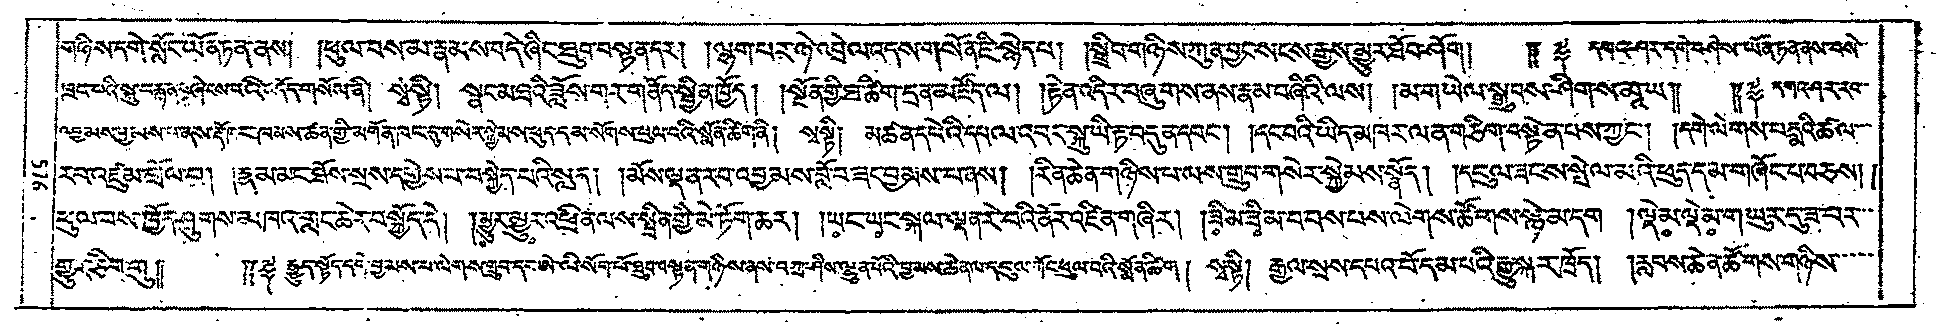གཉིས་དགེ་སློང་ཡོན་ཏན་ནས། །ཕུལ་བས་མ་རྣམས་བདེ་ཞིང་ཐུབ་བསྟན་དར། །ལྷག་པར་ཉེ་འབྲེལ་འདས་གསོན་ཇི་སྙེད་པ། །སྒྲིབ་གཉིས་ཀུན་བྱང་སངས་རྒྱས་མྱུར་ཐོབ་ཤོག ། །། ༈ དགའ་ཤར་དགེ་བཤེས་ཡོན་ཏན་ནས་བསེ་
ཁྲབ་པའི་སྐུ་བརྙན་བཞེངས་པའི་འདོད་གསོལ་ནི། སྭ་སྟི། སྣང་མཐའི་ཟློས་གར་གནོད་སྦྱིན་ཁྱོད། །སྔོན་གྱི་ཐ་ཚིག་དྲན་མཛོད་ལ། །རྟེན་འདིར་བཞུགས་ནས་རྣམ་བཞིའི་ལས། །མ་གཡེལ་སྒྲུབ་ཤིག་ས་མཱ་ཡ།། །། ༈ དགའ་ཤར་རབ་
འབྱམས་བྱམས་པ་ནས་རྡོ་ཁང་ཁམས་ཚན་གྱི་མགོན་ཁང་དུ་གསེར་སྐྱེམས་ཕུད་དམ་སོགས་ཕུལ་བའི་སྨོན་ཚིག་ནི། སྭ་སྟི། མཚན་དཔེའི་དཔལ་འབར་སྐུ་ཡི་རྟ་བདུན་དབང་། །དང་བའི་ཡིད་མཁར་ལན་གཅིག་བསྟེན་པས་ཀྱང་། །དགེ་ལེགས་པདམའི་ཚལ་
རབ་འཛུམ་གྲོལ་བ། །རྣམ་མང་ཐོས་སྲས་དགྱེས་པ་བསྐྱེད་པའི་སླད། །མོས་ལྡན་རབ་འབྱམས་བློ་བཟང་བྱམས་པ་ནས། །རིན་ཆེན་གཉིས་པ་ལས་གྲུབ་གསེར་སྐྱེམས་སྣོད། །དངུལ་ཟངས་སྤེལ་མའི་ཕུད་དམ་གཞོང་པ་བཅས། །
ཕུལ་བས་ཁྱོད་ཤུགས་མཁའ་གླང་ཆེར་བསྐྱོད་དེ། །མྱུར྾་མྱུར྾་འཕྲིན་ལས་སྤྲིན་གྱི་མེ་ཏོག་ཆར། །ཡང྾་ཡང྾་སྐལ་ལྡན་རེ་བའི་ནོར་འཛིན་གཞིར། །ཟིམ྾་ཟིམ྾་བབས་པས་ལེགས་ཚོགས་སྙེ་མ་དག །ལྡེམ྾་ལྡེམ྾་གཡུར་དུ་ཟ་བར་
གྱུར་ཅིག་གུ །། །། ༈ རྒྱུད་སྟོད་དགེ་བྱམས་པ་ལེགས་གྲུབ་དང་ཨེ་ལི་སོག་པོ་ཐུབ་བསྟན་གཉིས་ནས་བཀྲ་ཤིས་ལྷུན་པོའི་བྱམས་ཆེན་ལ་དངུལ་ཀོང་ཕུལ་བའི་སྨོན་ཚིག་།སྭ་སྟི། རྒྱལ་སྲས་དཔའ་བོ་དམ་པའི་རྒྱུ་སྐར་ཁྲོད། །རླབས་ཆེན་ཚོགས་གཉིས་